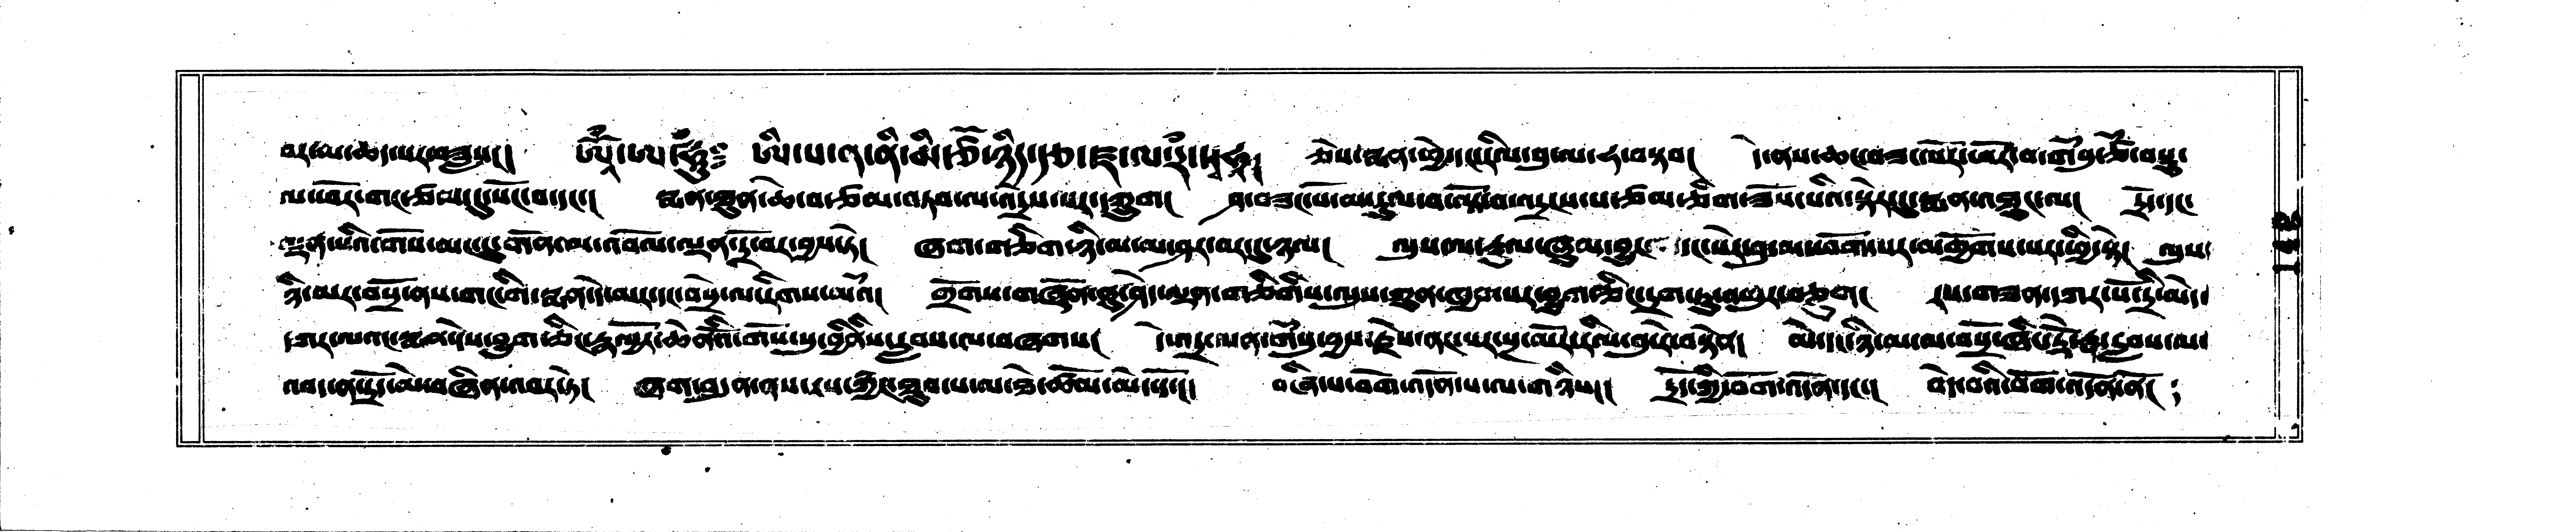བར་མ་ཆད་པར་བཟླས། ཨཱོྂ་ཨ་ཧཱུཾ་ཨི་པ་ན་ནི་མི་ཙོ་ཉིད་རྩ་ཛ་ལ་རཾ་སྭཱཧཱ། ཅེས་སྨན་ཕྱེ་དང་རིལ་བུ་ལ་ཧ་བཏབ། དེ་ནས་ཆང་བཟང་པོར་ཕོར་བ་གསུམ་ཙམ་བསྡུ་
ལ་ཕོར་གང་ཙམ་དུ་སོང་བ་དང་། སྨན་ཐུན་ཆེ་བ་ཙམ་བཏབ་ལ་འདྲེས་པར་དཀྲུག ཤ་བཟང་པོ་མ་རུལ་བ་ལྟོ་བ་འགྲངས་པ་ཙམ་ཞིག་ཟོས་པའི་སྟེང་དུ་སྨན་འཐུང་ལ། དྲོད་དང་
ལྡན་པའི་གོས་མང་དུ་གོན་ལ་འབོལ་གདན་དྲོ་བར་བྱས་ཏེ། ཞག་གཅིག་ཉི་མ་མ་ཤར་བར་དུ་ཉལ། ལུས་ལ་རྔུལ་ཞུམ་བྱུང་དང་། སེར་བུ་མ་ཕོག་པར་མགྱོགས་པར་ཕྱི་སྟེ། ལུས་
ཉི་མར་བསྲོ་ནས་གང་གི་སྨན་དེ་མར་དང་བསྲེ་ལ་རིགས་མའམ། གྲོགས་གཞོན་ནུ་ཤེད་ལྡན་གཅིག་གིས་ལུས་ཀུན་ཁྱབ་པར་བྱུག་ཅིང་དྲག་ཏུ་འཕུར་བཅུག རས་གཟན་དཀར་པོ་དྲི་མེད་
དཀར་ལའང་སྨན་དེས་བྱུག་ཅིང་རྣལ་འབྱོར་ཆེན་པོའི་གོས་སུ་བྱིན་གྱིས་བརླབས་ལ་བཞག དེ་འདྲ་ལན་གསུམ་བྱས་རྗེས་ནང་པར་སྔ་མོར་རིལ་བུ་རེ་བསྟེན། མེ་དང་ཉི་མ་ལ་བསྲོ་ཞིང་རྡོ་རྗེ་རྦ་རླབས་ལ་
འབད་ན་དྲོད་མེ་བཞིན་འབར་ཏེ། ཞག་བདུན་ནས་རས་རྐྱང་ཐུབ་པ་ལ་ཐེ་ཚོམ་མེད་དོ། །བཞི་པ་བོགས་འདོན་པ་ལ་གཉིས། དྲོད་ཀྱི་བོག་འདོན་དང་། བདེ་བའི་བོག་འདོན་ནོ། །